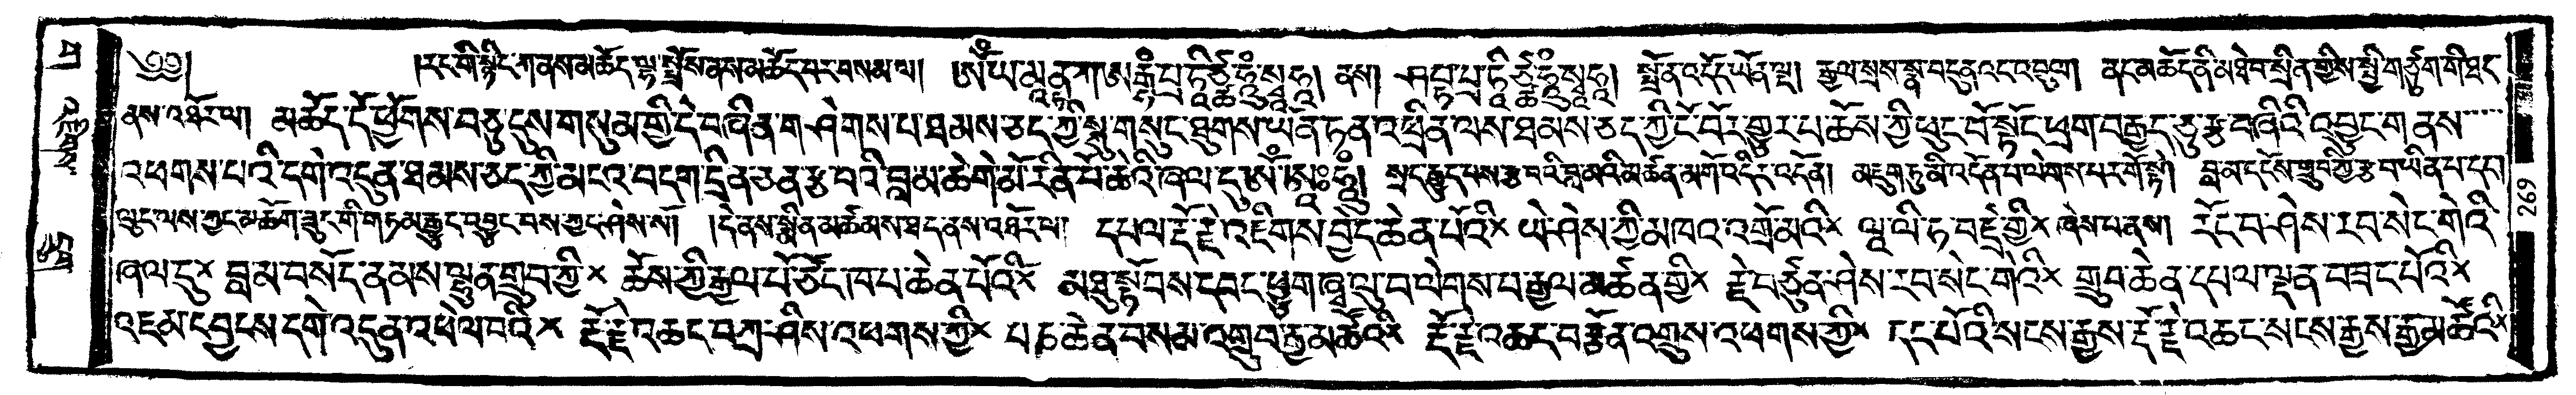༄༅། །རང་གི་སྙིང་ཀ་ནས་མཆོད་ལྷ་སྤྲོས་ནས་མཆོད་པར་བསམ་ལ། ཨོཾ་ཡ་མཱནྟ་ཀ་ཨརྒྷཾ་པྲ་ཏཱིཙྪ་ཧཱུཾ་སྭཱཧཱ། ནས། ཤཔྟ་པྲ་ཏཱིཙྪ་ཧཱུཾ་སྭཱཧཱ། སྤྲོ་ན་འདོད་ཡོན་ལྔ། རྒྱལ་སྲས་སྣ་བདུན་ནའང་འབུལ། ནང་མཆོད་ནི་མཐེབ་སྲིན་གྱིས་སྤྱི་གཙུག་གི་ཐང་
ནས་འཐོར་ལ། མཆོད་དོ་ཕྱོགས་བཅུ་དུས་གསུམ་གྱི་དེ་བཞིན་གཤེགས་པ་ཐམས་ཅད་ཀྱི་སྐུ་གསུང་ཐུགས་ཡོན་ཏན་འཕྲིན་ལས་ཐམས་ཅད་ཀྱི་ངོ་བོར་གྱུར་པ་ཆོས་ཀྱི་ཕུང་པོ་སྟོང་ཕྲག་བརྒྱད་ཅུ་རྩ་བཞིའི་འབྱུང་གནས་
འཕགས་པའི་དགེ་འདུན་ཐམས་ཅད་ཀྱི་མངའ་བདག་དྲིན་ཅན་རྩ་བའི་བླ་མ་ཆེ་གེ་མོ་རིན་པོ་ཆེའི་ཞལ་དུ་ཨོཾ་ཨཱཿཧཱུཾ། སྲང་རྒྱུད་པས་རྩ་བའི་བླ་མའི་མཚན་མགོ་འདིར་འདོན། མཇུག་ཏུ་མི་འདོན་པ་ལེགས་པར་གོ་སྟེ། བླ་མ་དངོས་གྲུབ་ཀྱི་རྩ་བ་ཡིན་པ་དང་།
ལུང་ལས་ཀྱང་མཆོག་ཟུང་གི་གཏམ་རྒྱུད་འབྱུང་བས་ཀྱང་ཤེས་སོ། །དེ་ནས་སྨིན་མཚམས་ཐད་ནས་འཐོར་ལ། དཔལ་རྡོ་རྗེ་འཇིགས་བྱེད་ཆེན་པོའི་྾་ཡེ་ཤེས་ཀྱི་མཁའ་འགྲོ་མའི་྾་ལཱ་ལི་ཏ་བཛྲ་གྱི་྾་ཞེས་པ་ནས། རོང་བ་ཤེས་རབ་སེང་གེའི་
ཞལ་དུ་྾་བླ་མ་བསོད་ནམས་ལྷུན་གྲུབ་ཀྱི་྾་ཆོས་ཀྱི་རྒྱལ་པོ་ཙོང་ཁ་པ་ཆེན་པོའི་྾་མཐུ་སྟོབས་དབང་ཕྱུག་ཞྭ་ལུ་བ་ལེགས་པ་རྒྱལ་མཚན་གྱི་྾་རྗེ་བཙུན་ཤེས་རབ་སེང་གེའི་྾་གྲུབ་ཆེན་དཔལ་ལྡན་བཟང་པོའི་྾་
འཇམ་དབྱངས་དགེ་འདུན་འཕེལ་བའི་྾་རྡོ་རྗེ་འཆང་བཀྲ་ཤིས་འཕགས་ཀྱི་྾་པཎ་ཆེན་བསམ་འགྲུབ་རྒྱ་མཚོའི་྾་རྡོ་རྗེ་འཆང་བརྩོན་འགྲུས་འཕགས་ཀྱི་྾་དང་པོའི་སངས་རྒྱས་རྡོ་རྗེ་འཆང་སངས་རྒྱས་རྒྱ་མཚོའི་྾་